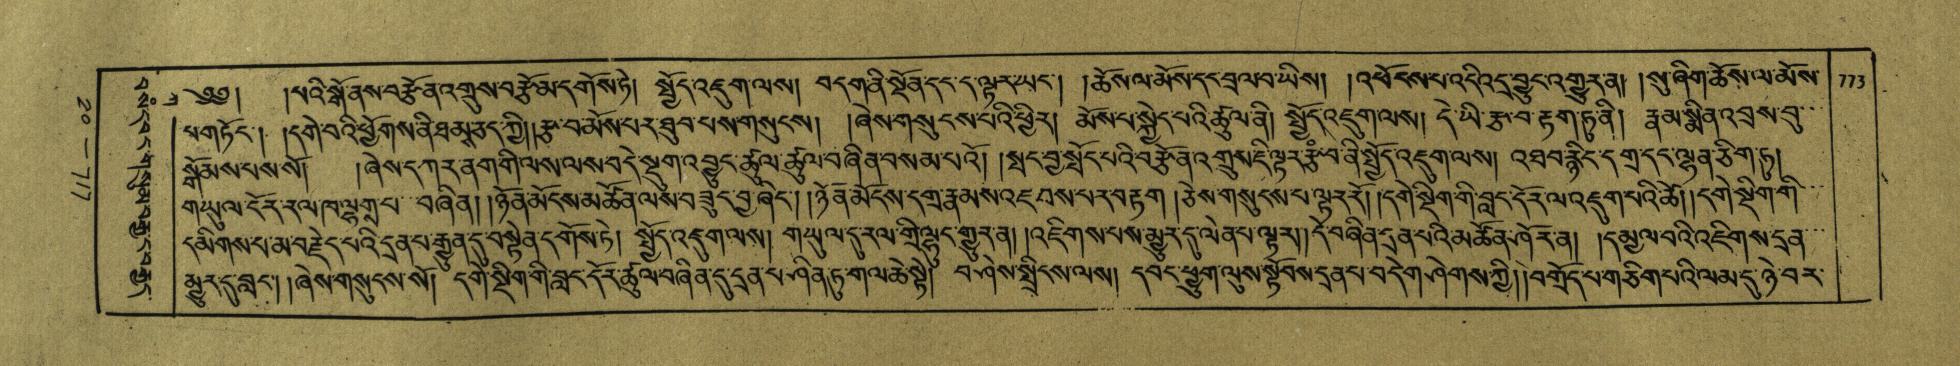༄༅། །པའི་སྒོ་ནས་བརྩོན་འགྲུས་བརྩོམ་དགོས་ཏེ། སྤྱོད་འཇུག་ལས། བདག་ནི་སྔོན་དང་ད་ལྟར་ཡང་། །ཆོས་ལ་མོས་དང་བྲལ་བ་ཡིས། །འཕོངས་པ་འདི་འདྲ་བྱུང་འགྱུར་ན། །སུ་ཞིག་ཆོས་ལ་མོས་
པ་གཏོང་། །དགེ་བའི་ཕྱོགས་ནི་ཐམས་ཅད་ཀྱི། །རྩ་བ་མོས་པར་ཐུབ་པས་གསུངས། །ཞེས་གསུངས་པའི་ཕྱིར། མོས་པ་སྐྱེད་པའི་ཚུལ་ནི། སྤྱོད་འཇུག་ལས། དེ་ཡི་རྩ་བ་རྟག་ཏུ་ནི། རྣམ་སྨིན་འབྲས་བུ་
སྒོམས་པས་སོ། །ཞེས་དཀར་ནག་གི་ལས་ལས་བདེ་སྡུག་འབྱུང་ཚུལ་ཚུལ་བཞིན་བསམ་པའོ། །སྤང་བྱ་སྤོང་པའི་བརྩོན་འགྲུས་ཇི་ལྟར་རྩཾ་བ་ནི་སྤྱོད་འཇུག་ལས། འཐབ་རྙིང་དགྲ་དང་ལྷན་ཅིག་ཏུ།
གཡུལ་ངོར་རལ་ཁ་ལྷགས་པ་བཞིན། །ཉོན་མོངས་མཚོན་ལས་བཟུང་བྱ་ཞིང་། །ཉོན་མོངས་དགྲ་རྣམས་འཇབས་པར་བརྟག། །ཅེས་གསུངས་པ་ལྟར་རོ། །དགེ་སྡིག་གི་བླང་དོར་ལ་འཇུག་པའི་ཚེ། །དགེ་སྡིག་གི་
དམིགས་པ་མ་བརྗེད་པའི་དྲན་པ་རྒྱུན་དུ་བསྟེན་དགོས་ཏེ། སྤྱོད་འཇུག་ལས། གཡུལ་དུ་རལ་གྲི་ལྷུང་གྱུར་ན། །འཇིགས་པས་མྱུར་དུ་ལེན་པ་ལྟར། །དེ་བཞིན་དྲན་པའི་མཚོན་ཤོར་ན། །དམྱལ་བའི་འཇིགས་དྲན་
མྱུར་དུ་བླང་། །ཞེས་གསུངས་སོ། དགེ་སྡིག་གི་བླང་དོར་ཚུལ་བཞིན་དུ་དྲན་པ་ཤིན་ཏུ་གལ་ཆེ་སྟེ། བཤེས་སྤྲིངས་ལས། དབང་ཕྱུག་ལུས་སྟོབས་དྲན་པ་བདེ་གཤེགས་ཀྱི། །བགྲོད་པ་གཅིག་པའི་ལམ་དུ་ཉེ་བར་